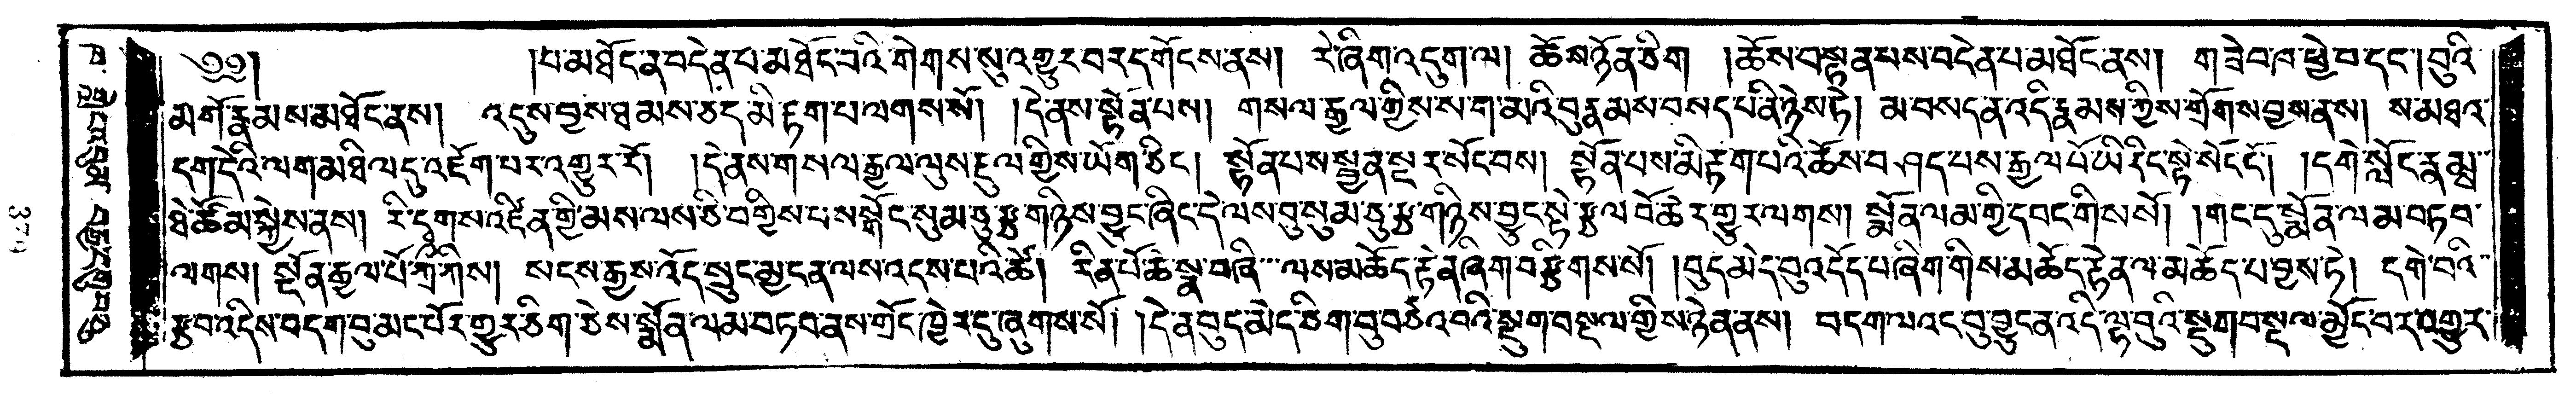༄༅། །པ་མཐོང་ན་བདེན་པ་མཐོང་བའི་གེགས་སུ་འགྱུར་བར་དགོངས་ནས། རེ་ཞིག་འདུག་ལ། ཆོས་ཉོན་ཅིག །ཆོས་བསྟན་པས་བདེན་པ་མཐོང་ནས། གཟེབ་ཁ་ཕྱེ་བ་དང་། བུའི་
མགོ་རྣམས་མཐོང་ནས། འདུས་བྱས་ཐམས་ཅད་མི་རྟག་པ་ལགས་སོ། །དེ་ནས་སྟོན་པས། གསལ་རྒྱལ་གྱིས་ས་ག་མའི་བུ་རྣམས་བསད་པ་ནི་ཉེས་ཏེ། མ་བསད་ན་འདི་རྣམས་ཀྱིས་གྲོགས་བྱས་ནས། ས་མཐའ་
དག་དེའི་ལག་མཐིལ་དུ་འཇོག་པར་འགྱུར་རོ། །དེ་ནས་གསལ་རྒྱལ་ལུས་རྡུལ་གྱིས་ཡོག་ཅིང་། སྟོན་པས་སྤྱན་སྔར་སོང་བ། སྟོན་པས་མི་རྟག་པའི་ཆོས་བཤད་པས་རྒྱལ་པོ་ཡི་རིང་སྟེ་སོང་ངོ། །དགེ་སློང་རྣམས་
ཐེ་ཚོམ་སྐྱེས་ནས། རི་དྭགས་འཛིན་གྱི་མས་ལས་ཅི་བགྱིས་པས་སྒོང་སུམ་ཅུ་རྩ་གཉིས་བྱུང་ཞིང་དེ་ལས་བུ་སུམ་ཅུ་རྩ་གཉིས་བྱུང་སྟེ་རྩལ་བོ་ཆེར་གྱུར་ལགས། སྨོན་ལམ་གྱི་དབང་གིས་སོ། །གང་དུ་སྨོན་ལམ་བཏབ་
ལགས། སྔོན་རྒྱལ་པོ་ཀྲྀ་ཀིས། སངས་རྒྱས་འོད་སྲུང་མྱ་ངན་ལས་འདས་པའི་ཚེ། རིན་པོ་ཆེ་སྣ་བཞི་ལས་མཆོད་རྟེན་ཞིག་བརྩིགས་སོ། །བུད་མེད་བུ་འདོད་པ་ཞིག་གིས་མཆོད་རྟེན་ལ་མཆོད་པ་བྱས་ཏེ། དགེ་བའི་
རྩ་བ་འདིས་བདག་བུ་མང་པོར་གྱུར་ཅིག་ཅེས་སྨོན་ལམ་བཏབ་ནས་གྲོང་ཁྱེར་དུ་ཞུགས་སོ། །དེ་ན་བུད་མེད་ཅིག་བུ་བཙའ་བའི་སྡུག་བསྔལ་གྱིས་ཉེན་ནས། བདག་ལའང་བུ་བྱུང་ན་འདི་ལྟ་བུའི་སྡུག་བསྔལ་མྱོང་བར་འགྱུར་